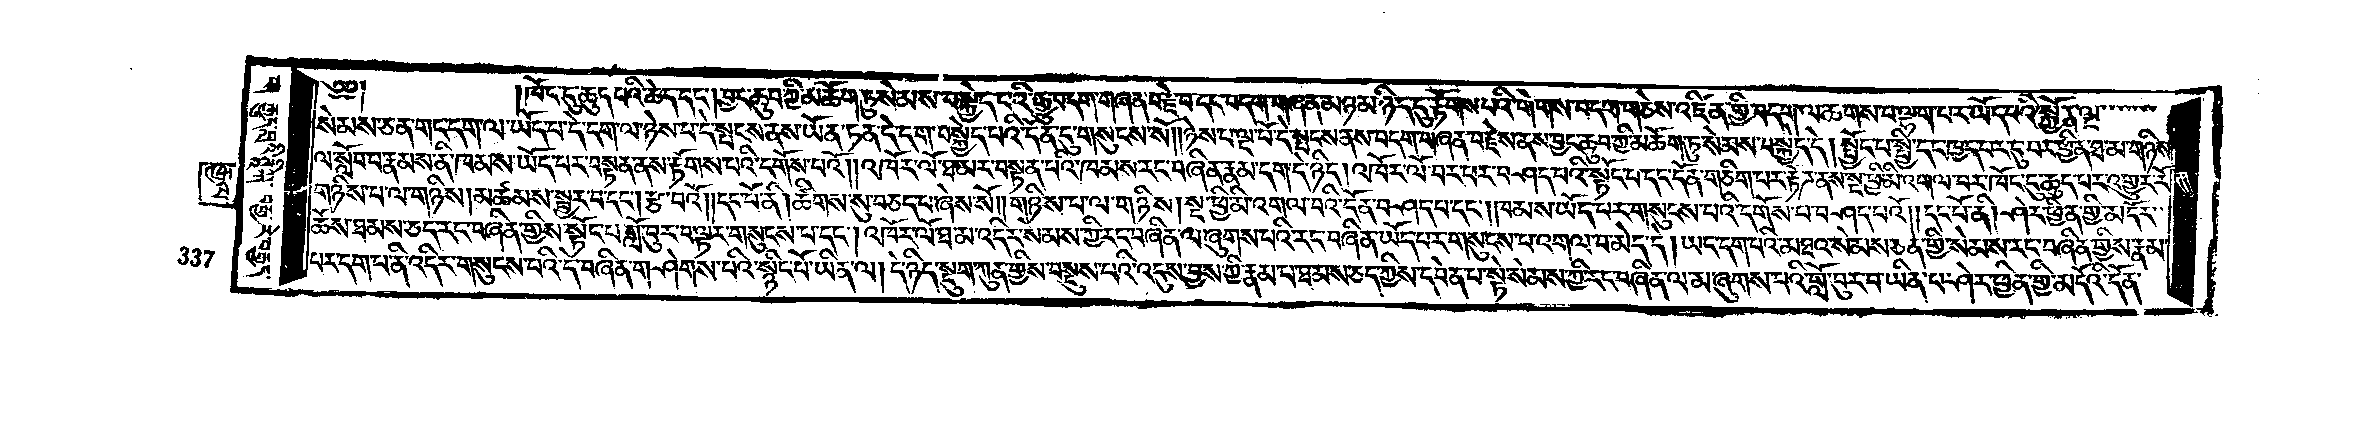༄༅། །ཁོང་དུ་ཆུད་པའི་ཆེད་དང་། བྱང་ཆུབ་ཀྱི་མཆོག་ཏུ་སེམས་བསྐྱེད་པའི་རྒྱུ་བདག་གཞན་བརྗེ་བ་དང་བདག་གཞན་མཉམ་ཉིད་དུ་རྟོགས་པའི་གེགས་བདག་གཅེས་འཛིན་གྱི་བདག་ལ་ཆགས་པ་ལྷག་པར་ཡོད་པའི་སྐྱོན་ལྔ་
སེམས་ཅན་གང་དག་ལ་ཡོད་པ་དེ་དག་ལ་ཉེས་པ་དེ་སྤངས་ནས་ཡོན་ཏན་དེ་དག་བསྐྱེད་པའི་དོན་དུ་གསུངས་སོ། །ཉེས་པ་ལྔ་པོ་དེ་སྤངས་ནས་བདག་གཞན་བརྗེས་ནས་བྱང་ཆུབ་ཀྱི་མཆོག་ཏུ་སེམས་བསྐྱེད་དེ། སྤྱོད་པ་སྤྱི་དང་ཁྱད་པར་དུ་བར་ཕྱིན་ཐ་མ་གཉིས་
ལ་སློབ་པ་རྣམས་ནི་ཁམས་ཡོད་པར་བསྟན་ནས་རྟོགས་པའི་དགོས་པའོ། །འཁོར་ལོ་ཐ་མར་བསྟན་པའི་ཁམས་རང་བཞིན་རྣམ་དག་དེ་ཉིད། འཁོར་ལོ་བར་པར་བཤད་པའི་སྟོང་པ་དང་དོན་གཅིག་པར་རྟོགས་ནས་སྔ་ཕྱི་མི་འགལ་བར་ཁོང་དུ་ཆུད་པར་འགྱུར་རོ་
གཉིས་པ་ལ་གཉིས། མཚམས་སྦྱར་བ་དང་། རྩ་བའོ། །དང་པོ་ནི། ཚིགས་སུ་བཅད་པ་ཞེས་སོ། །གཉིས་པ་ལ་གཉིས། སྔ་ཕྱི་མི་འགལ་བའི་དོན་བཤད་པ་དང་། ཁམས་ཡོད་པར་གསུངས་པའི་དགོས་པ་བཤད་པའོ། །དང་པོ་ནི། ཤེར་ཕྱིན་གྱི་མདོར་
ཆོས་ཐམས་ཅད་རང་བཞིན་གྱིས་སྟོང་པ་གློ་བུར་བ་ལྟར་གསུངས་པ་དང་། འཁོར་ལོ་ཐ་མ་འདིར་སེམས་ཀྱི་རང་བཞིན་ལ་ཞུགས་པའི་རང་བཞིན་ཡོད་པར་གསུངས་པ་འགལ་བ་མེད་དེ། ཡང་དག་པའི་མཐའ་སེམས་ཅན་གྱི་སེམས་རང་བཞིན་གྱིས་རྣམ་
པར་དག་པ་ནི་འདིར་གསུངས་པའི་དེ་བཞིན་གཤེགས་པའི་སྙིང་པོ་ཡིན་ལ། དེ་ཉིད་སྡུག་ཀུན་གྱིས་བསྡུས་པའི་འདུས་བྱས་ཀྱི་རྣམ་པ་ཐམས་ཅད་ཀྱིས་དབེན་པ་སྟེ་སེམས་ཀྱི་རང་བཞིན་ལ་མ་ཞུགས་པའི་གློ་བུར་བ་ཡིན་པ་ཤེར་ཕྱིན་གྱི་མདོའི་དོན་